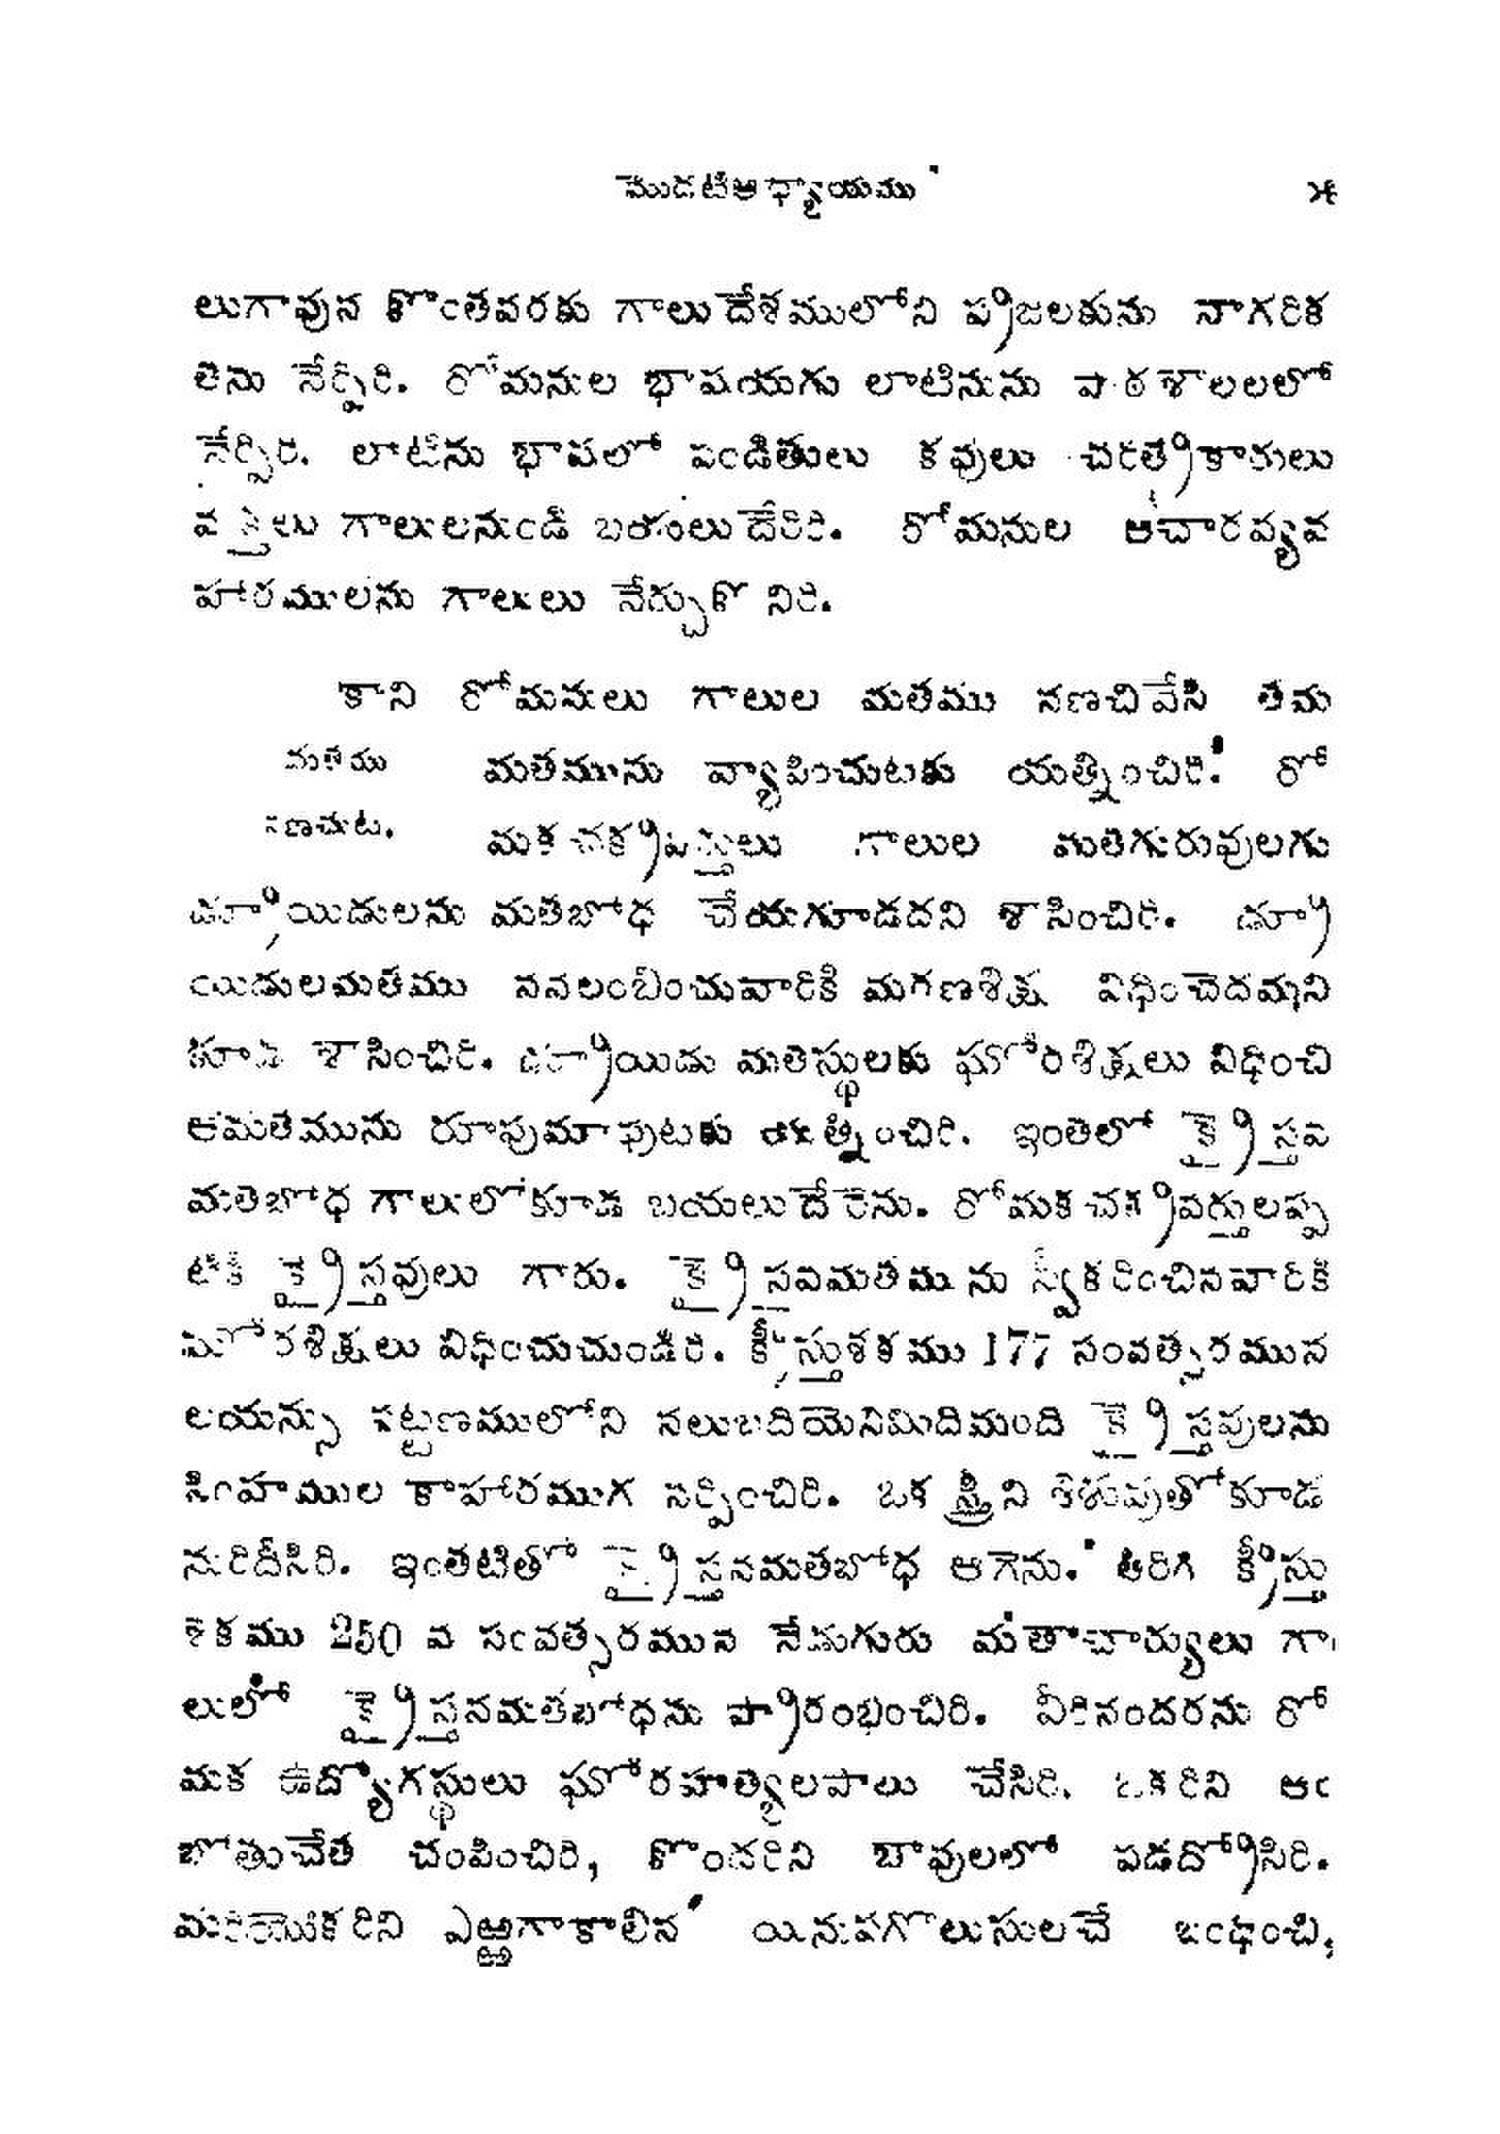లుగావున కొంతవరకు గాలు దేశములోని ప్రజలకును నాగరిక
తను నేర్పిరి. రోమనుల భాషయగు లాటినును పాఠశాలలలో
నేర్పిరి. లాటీను భాపలో పండితులు కవులు చరిత్ర కారులు
వక్తలు గాలులనుండీ బరులు దేరిరి.రోమనుల ఆచార వ్యవహారములను గాలులు నేర్చుకొనిరి.

కాని రోమములు గాలుల మతము నణచి వేసి తమ
మతమును వ్యాపించుటకు యత్నించిరి. రోమ
కచక్రవర్తులు గాలుల మతగురువులగు
డ్రూయియిడులను మతబోధ చేయగూడదని శాసించిరి. డ్రూ
యిడుల మతము సవలంబంచువారికి మగణశిక్ష విధించెదమని
కూడ శాసించిరి. డ్రూయియిడు మతస్థులకు ఘోర శిక్షలు విధించి
అమత మును రూపుమా ఫుటకు యత్నించిరి. ఇంతలో క్రైస్తవ
మత బోధ గాలులో కూడ బయలు దేరెను.
రోమక చ క పగులప్పటికి క్రైస్తవులు గారు. 'క్రైస్తవమతమును స్వీకరించిన వారికి
ఘోర శిక్షలు విధించుచుండిరి. క్రీస్తుశకము 177 సంవత్సరమున
లయన్సు పట్టణములోని నలుబది యెనిమిది మంది క్రైస్తవులను
సింహముల కాహారముగ సర్పించిరి. ఒక స్త్రీని శిశువుతో కూడ
నురిదీసిరి. ఇంతటితో క్రైస్వ మతబోధ ఆగెను. " తిరిగి క్రీస్తు
శకము 250 వ సంవత్సరమున నేడుగురు మతాచార్యులు
గాలులో క్రైస్తనమతబోధను ప్రారంభించిరి. వీటి నందరను రోమక
ఉద్యోగస్థులు ఘోరహత్యలపాలు చేసిరి. ఒకరిని ఆంబోతు
చేత చంపించిరి, కొందరిని బావులలో పడదోసిరి.
మరి యొకరిని ఎఱ్ఱగా కాలిన యినుపగొలుసులచే జంధించి,